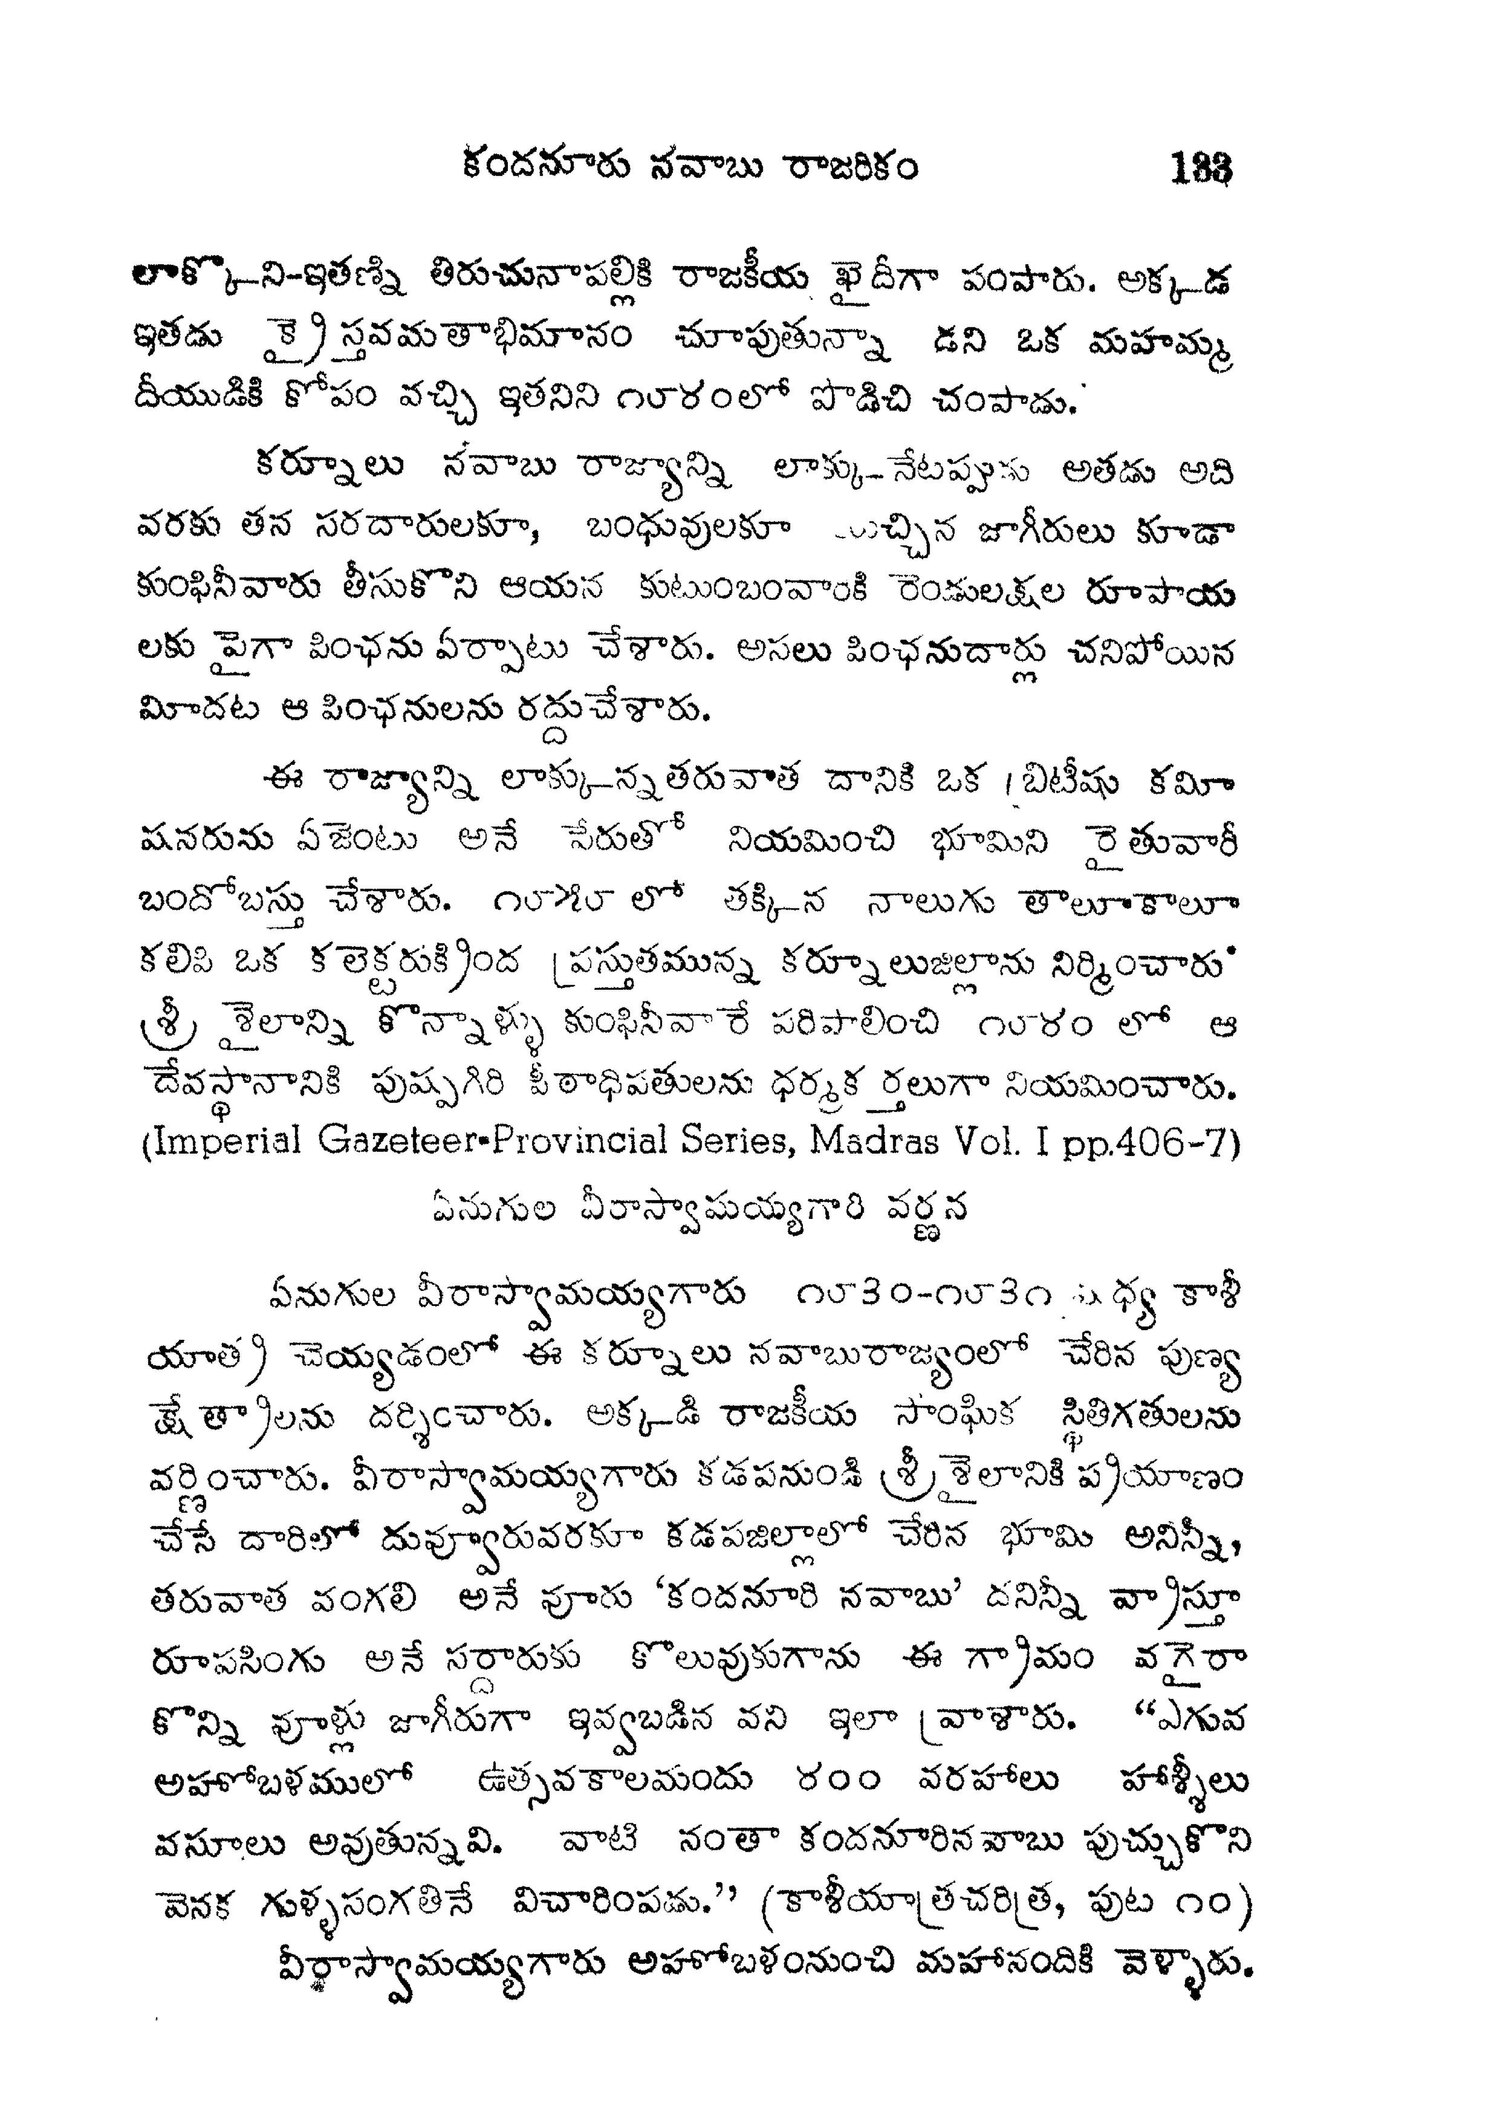లాక్కొని ఇతణ్ని తిరుచురాపల్లికి రాజకీయ ఖైదీగా పంపారు. అక్కడ ఇతడు క్రైస్తవమతాభిమానం చూపుతున్నాడని ఒక మహమ్మదీయుడికి కోపం వచ్చి ఇతనిని 1840 లో పొడిచి చంపాడు.

కర్నూలు నవాబు రాజ్యాన్ని లాక్కునేటప్పుడు అతడు అదివరకు తన సరదారులకూ, బంధువులకూ యిచ్చిన జాగీరులు కూడా కుంఫినీవారు తీసుకొని ఆయన కుటుంబం వారికి రెండు లక్షరూపాయలకు పైగా పింఛనులను రద్దుచేశారు.

ఈ రాజ్యాన్ని లాక్కున్న తరువాత దానికి ఒక బ్రిటిషు కమీషనరును ఏజెంటు అనే పేరుతో నియమించి భూమిని రైతువారీ బందోబస్తు చేశారు. 1858 లో తక్కిన నాలుగు తాలూకాలూ కలిపి ఒక కలెక్టరుక్రింద ప్రస్తుతమున్న కర్నూలు జిల్లాను నిర్మించారు. శ్రీశైలాన్ని కొన్నాళ్ళు కుంఫినీవారే పరిపాలించి 1840 లో ఆ దేవస్థానానికి పుష్పగిరి పీఠాధిపతులను ధర్మకర్తలుగా నియమించారు. (Imperial Gazetteer-Provincial Series, Madras Vol.I pp.406-7)

ఏనుగుల వీరాస్వామయ్యగారు 1830-1831 మధ్య కాశీ యాత్ర చెయ్యడంలో ఈ కర్నూలు నవాబురాజ్యంలో చేరిన పుణ్యక్షేత్రాలను దర్శించారు. అక్కడి రాజకీయ సాంఘిక స్థితిగతులను వర్ణించారు. వీరాస్వామయ్యగారు కడపనుండి శ్రీశైలానికి ప్రయాణం చేసే దారిలో దువ్వూరు వరకు కడపజిల్లా చేరిన భూమి అనిన్నీ, తరువాత వంగలి అనేవూరు 'కందనూరి నవాబు' దనిన్నీ వ్రాస్తూ రూపసింగు అనే సర్దారుకు కొలువుకుగాను ఈ గ్రామం వగైరా కొన్ని వూళ్లు జాగీరుగా ఇవ్వబడిన వని ఇలా వ్రాశారు. "ఎగువ అహోబిళములో ఉత్సవకాలమందు 400 వరహాలు హాశ్శీలు వసూలు అవుతున్నవి. వాటినంతా కందనూరి నవాబు పుచ్చుకొని వెనక గుళ్ళసంగతినే విచారింపడు"(కాశీయాత్రచరిత్ర, పుట 10) 

వీరాస్వామయ్యగారు అహోబళంనుంచి మహానందికి వెళ్ళారు.